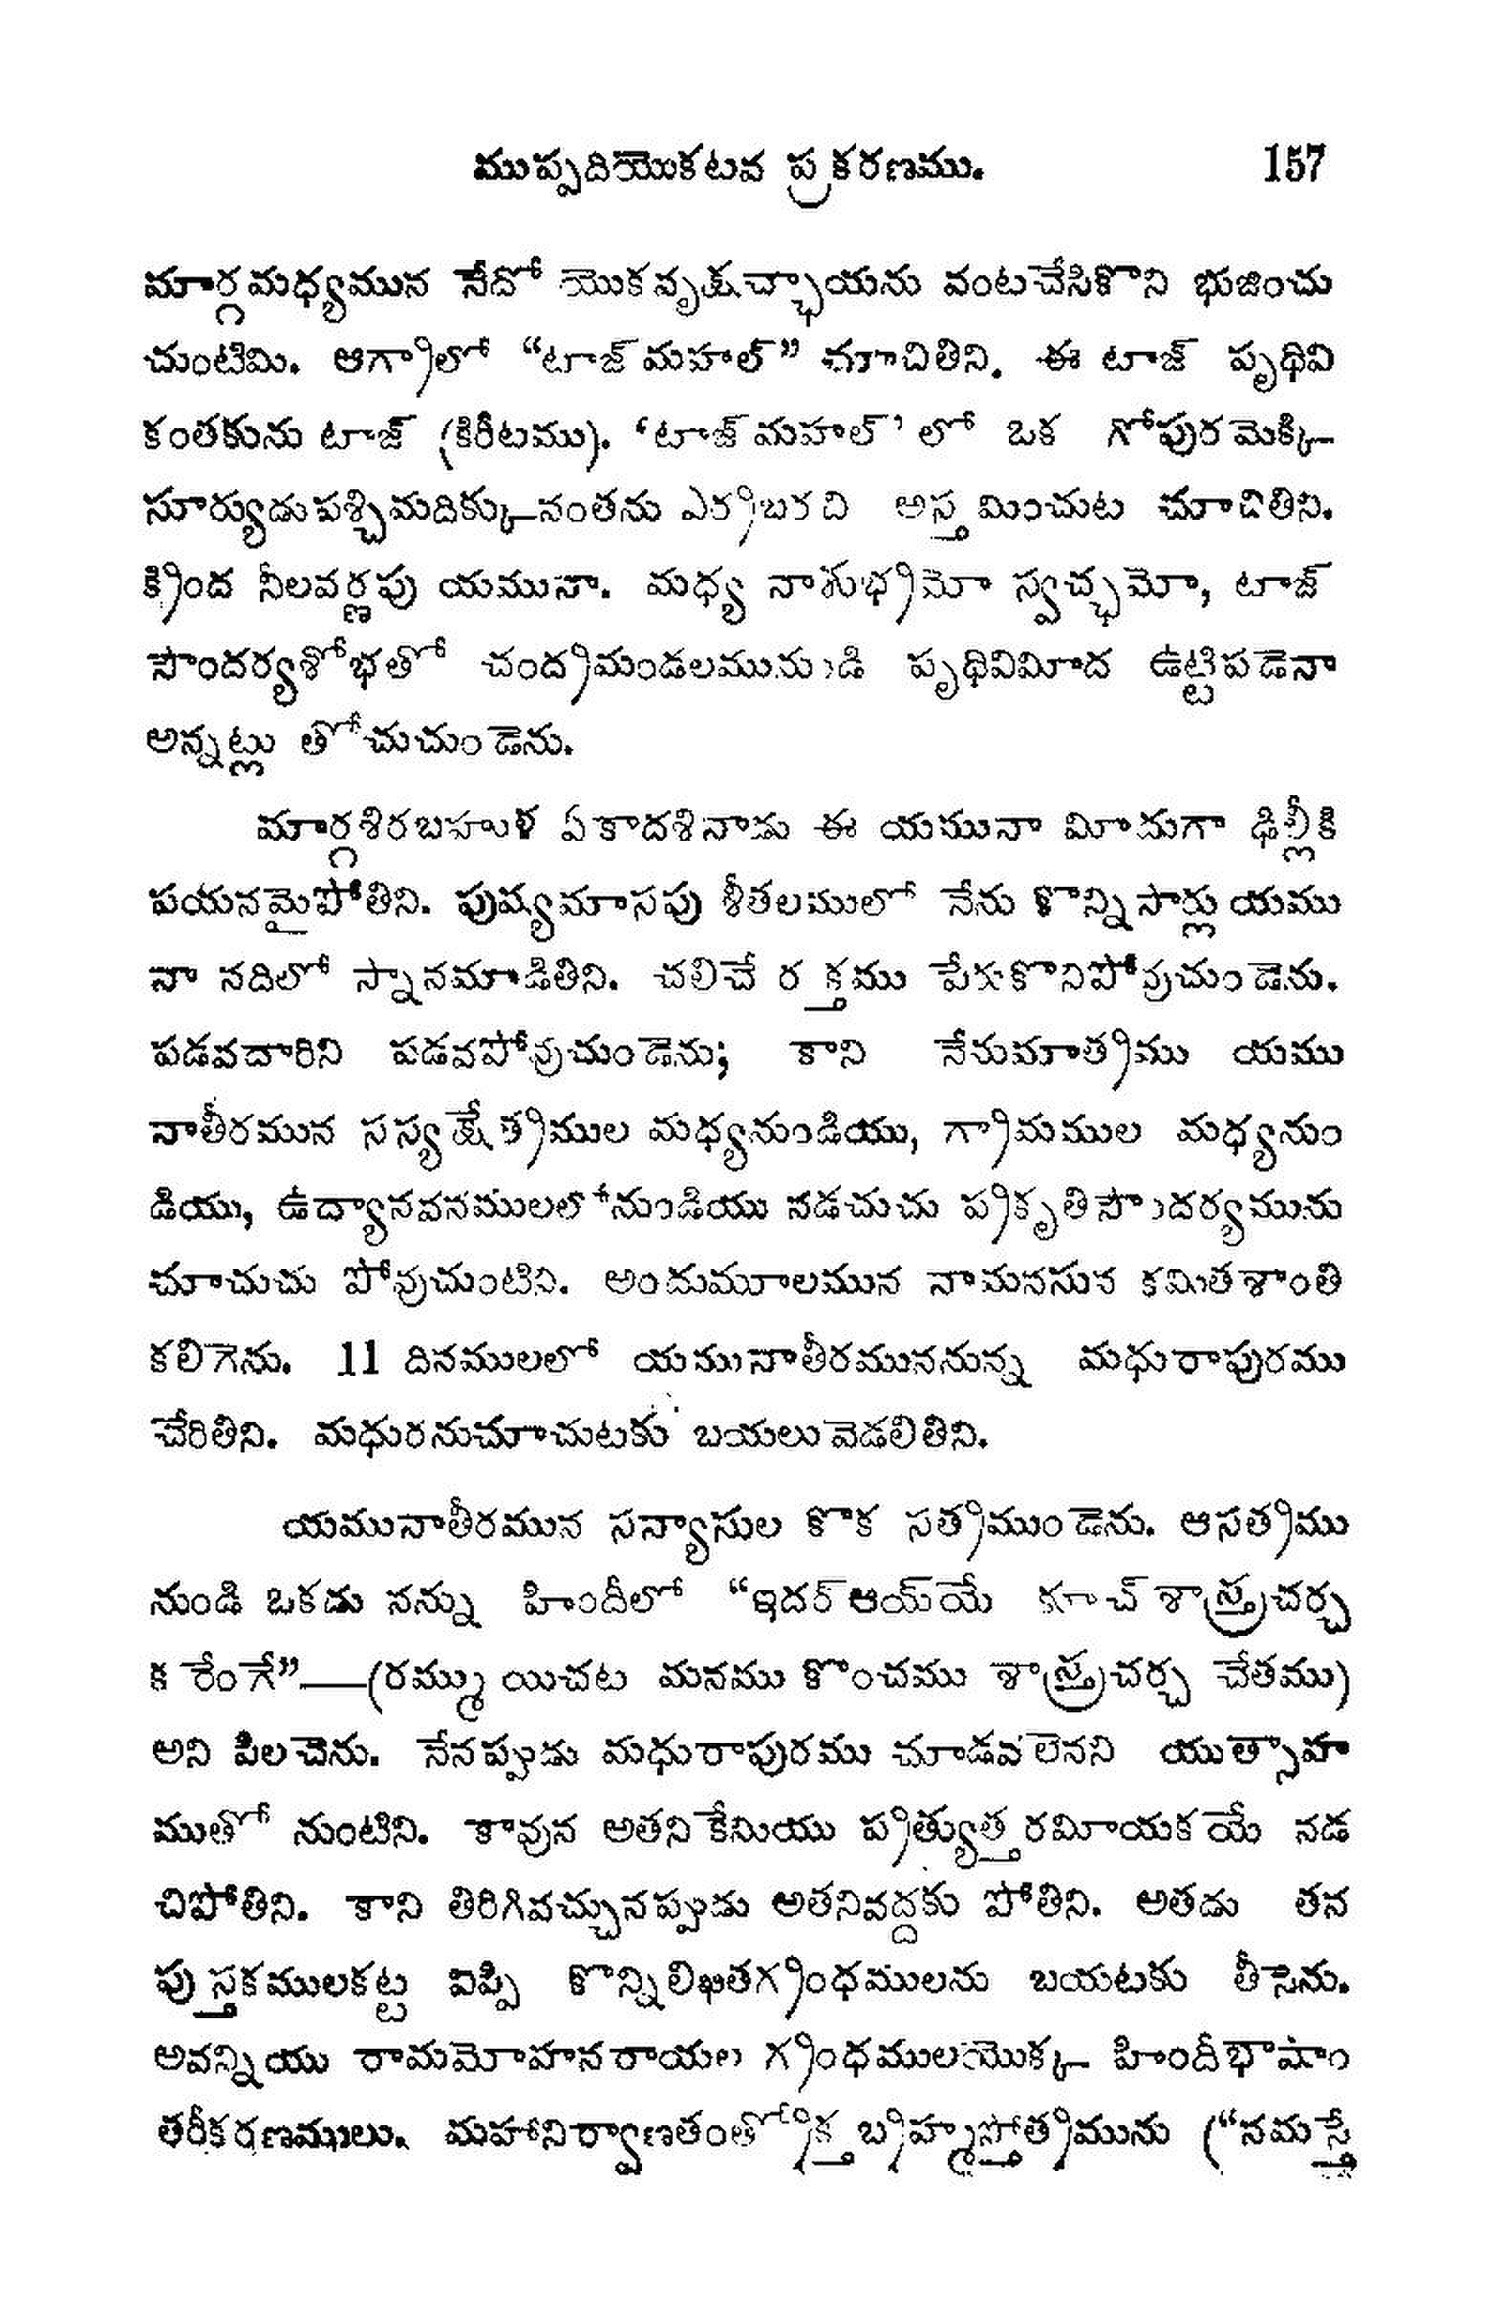మార్గ మధ్యమున నేదో యొక వృక్షచ్ఛాయను వంట చేసికొని భుజించు
చుంటిమి. ఆగ్రాలో “టాజ్ మహాల్ ” చూచితిని. ఈ టాజ్ పృథివి
కంతకును టాజ్ (కిరీటము). “టాజ్ మహల్ ' లో ఒక గోపుర మెక్కి
సూర్యుడు పశ్చిమదిక్కు నంతను ఎర్రబరచి అస్తమించుట చూచితిని.
క్రింద నీలవర్ణపు యమునా. మధ్య నాశుభ్రమో స్వచ్ఛమో, టాజ్
సొందర్యశోభతో చంద్రమండలమునుండి పృథివిమీద ఉట్టిడెనా
అన్నట్లు తోచుచుండెను.

మార్గశిర బహుళ ఏకాదశి నాడు ఈ యమునా మీదుగా ఢిల్లీకి
పయనమైపోతిని. పుష్యమాసపు శీతలములో నేను కొన్ని సార్లు యమునా
నదిలో స్నానమాడితిని. చలిచే రక్తము పేరుకొనిపోవుచుండెను.
పడవదారిని పడవపోవుచుండెను; కాని నేను మాత్రము యము
నాతీరమున సస్య క్షేత్రముల మధ్యనుండియు, గ్రామముల మధ్యను
డియు, ఉద్యానవనములలో నుండియు నడచుచు ప్రకృతి సౌదర్యమును
చూచుచు పోవుచుంటిని. అందుమూలమున నామనసున కమిత శాంతి
కలిగెను. 11 దినములలో యమునా తీరముననున్న మధురాపురము
చేరితిని. మధురను చూచుటకు బయలు వెడలితిని.

యమునాతీరమున సన్యాసుల కొక సత్రముండెను. ఆ సత్రము
నుండి ఒకడు నన్ను హిందీలో “ఇదర్ ఆయ్ యే కూచ్ శాస్త్ర చర్చ
క రేంగే” — (రమ్ము యిచట మనము కొంచము శాస్త్ర చర్చ చేతము)
అని పిలచెను. నేనప్పుడు మధురాపురము చూడవ లెనని యుత్సాహ
ముతో నుంటిని. కావున అతని కేమియు ప్రత్యుత్త రమీయకయే నడ
చిపోతిని. కాని తిరిగివచ్చునప్పుడు అతనివద్దకు పోతిని. అతడు
పుస్తకములకట్ట విప్పి కొన్ని లిఖితగంధములను బయటకు తీసెను.
అవన్నియు రామమోహన రాయల గ్రంధముల యొక్క హిందీ భాషా
తరీకరణములు, మహా నిర్వాణతంతో శిక అహ్మస్తోత్రమును ("నమస్తే